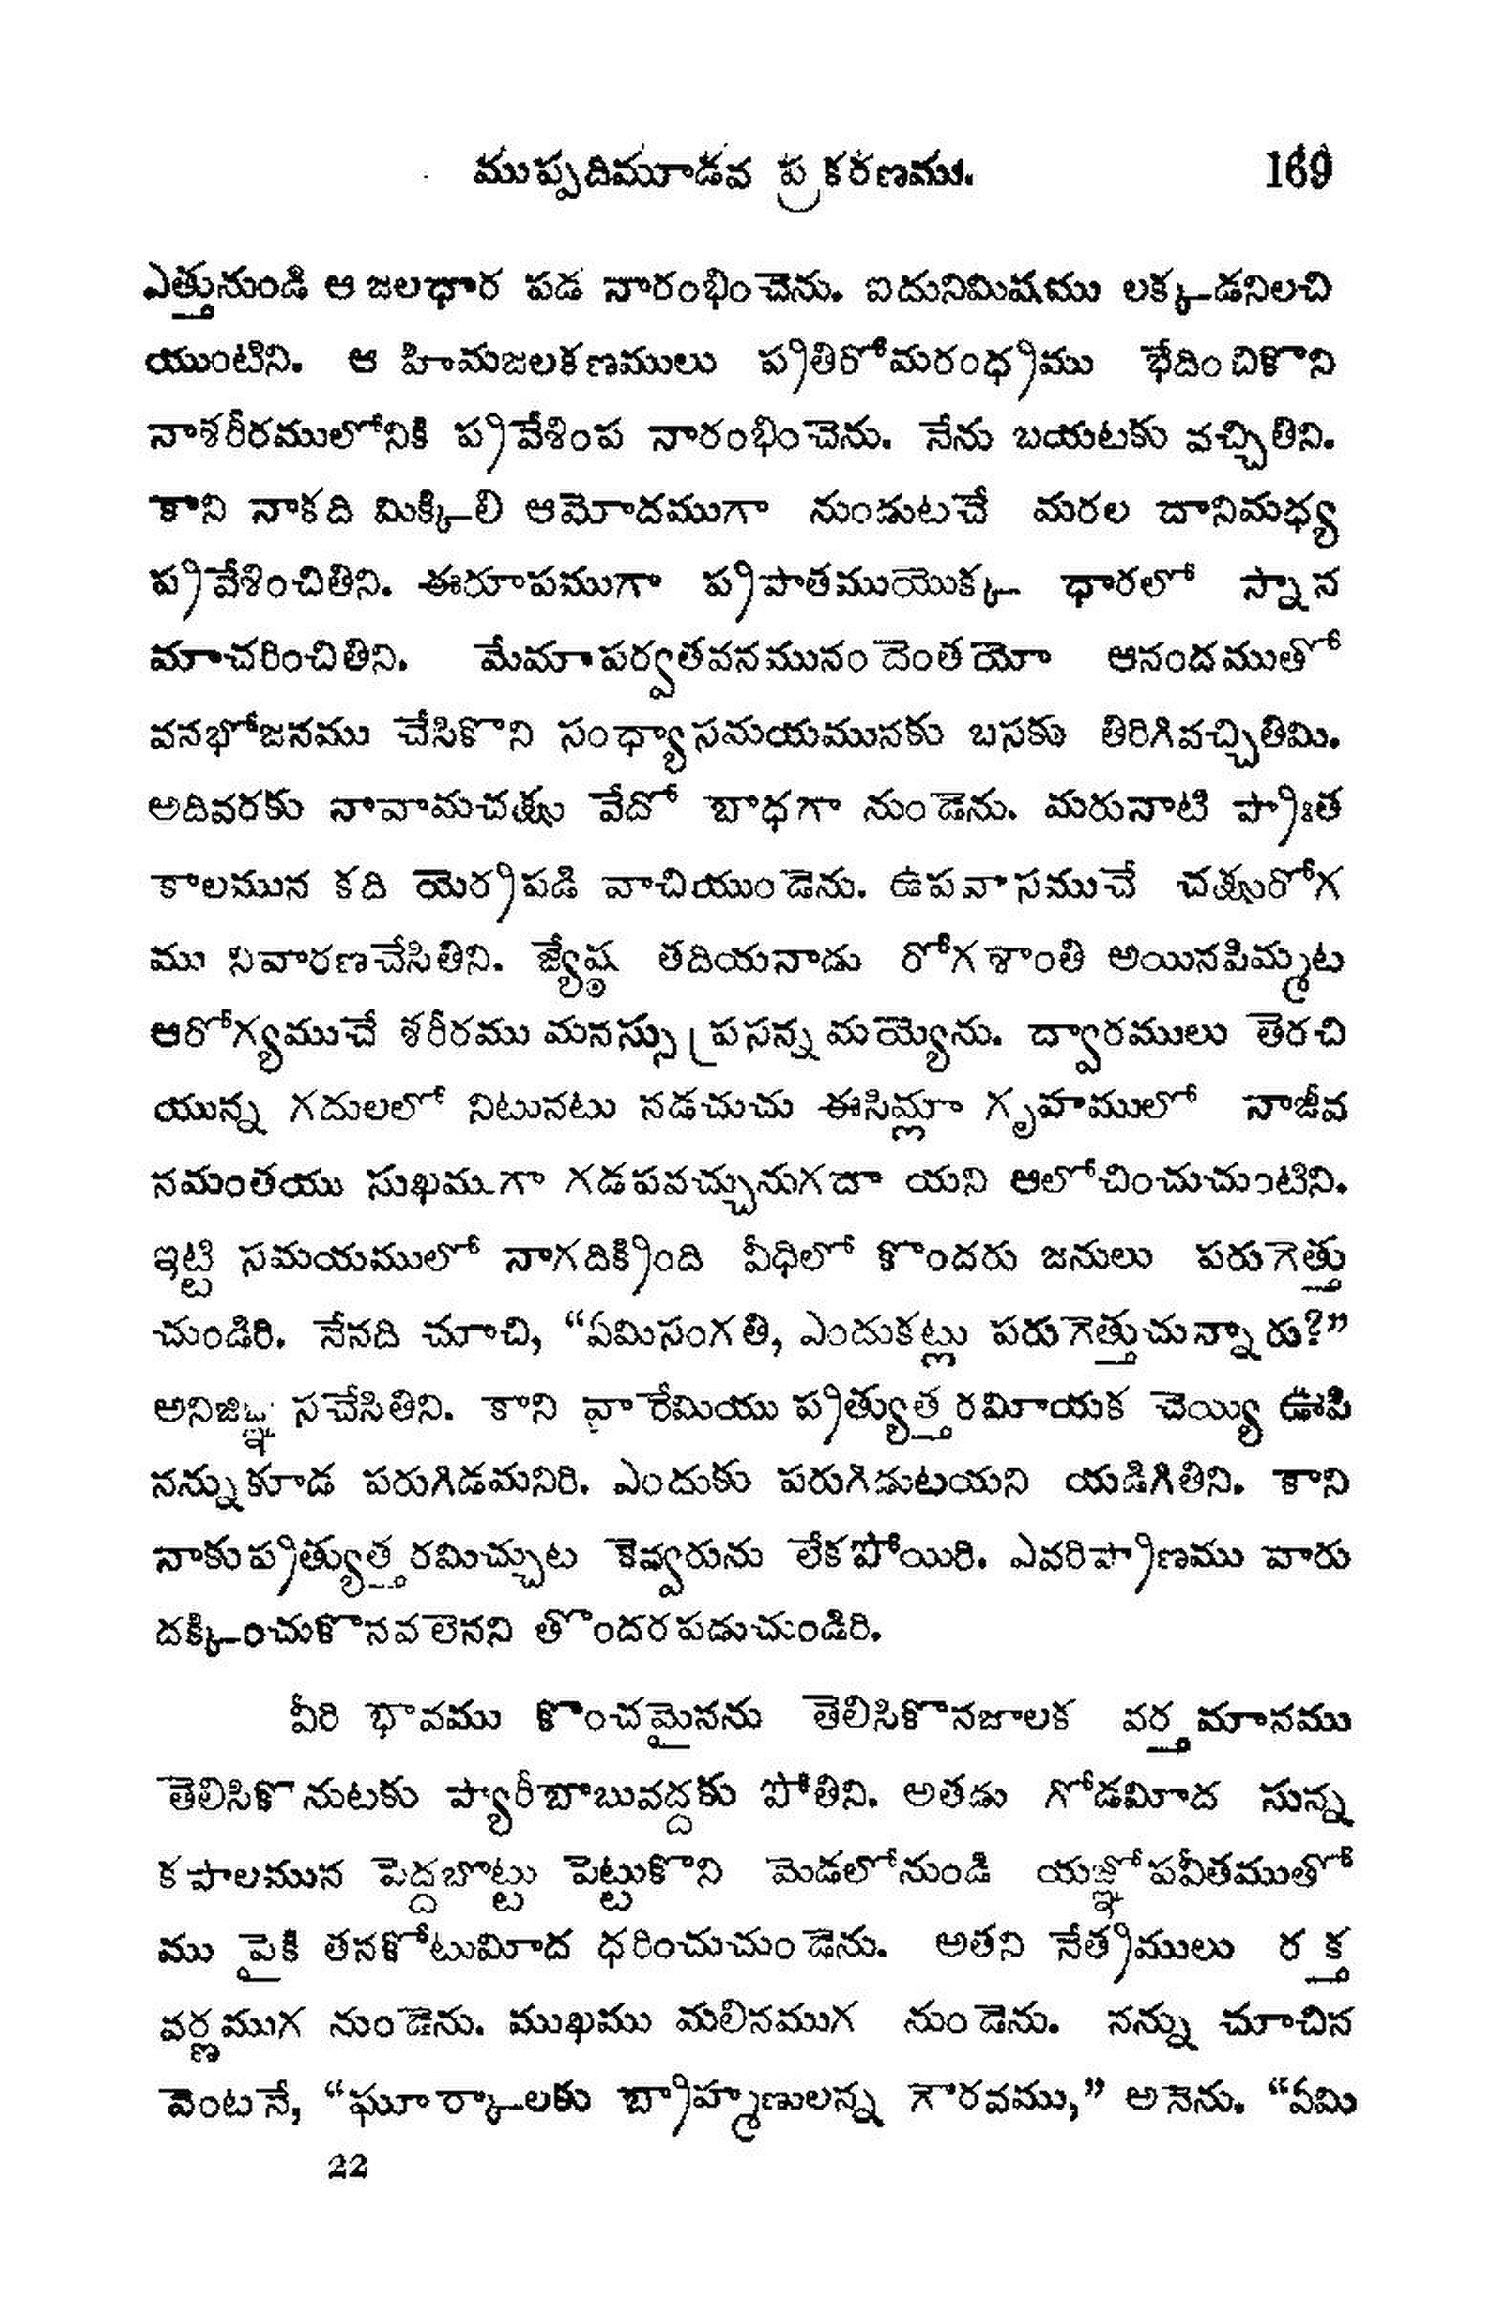ఎత్తునుండి ఆ జలధార పడ నారంభించెను. ఐదునిమిషము లక్కడ నిలచి
యుంటిని.ఆ హిమజలకణములు ప్రతిరోమరంద్రము భేదించికొని
నాశరీరములోనికి ప్రవేశింప నారంభించెను. నేను బయటకు వచ్చితిని.
కానీ నాకది మిక్కిలి ఆమోదముగా నుండుటచే మరల దానిమధ్య
ప్రవేశించితిని. ఈరూపముగా ప్రపాతము యొక్క ధారలో స్నాన
మాచరించితిని. మేమా పర్వతవనమునం దెంతయో ఆనందముతో
వనభోజనము చేసికొని సంధ్యా సనుయమునకు బసకు తిరిగివచ్చితిమి.
అదివరకు నావామచక్షువేదో బాధగా నుండెను. మరునాటి ప్రాతఃకాల
మున కది యెర్రపడి వాచి యుండెను. ఉపవాసముచే చక్షురోగము 
నివారణ చేసితిని. జ్యేష్ఠ తదియనాడు రోగ శాంతి అయిన పిమ్మట
ఆరోగ్యముచే శరీరము మనస్సు ప్రసన్న మయ్యెను. ద్వారములు తెరచి
యున్న గదులలో నిటునటు నడచుచు ఈసిమ్లా గృహములో నాజీవ
నమంతయు సుఖముగా గడపవచ్చునుగదా యని ఆలోచించు చుంటిని.
ఇట్టి సమయములో నాగదికింది. వీధిలో కొందరు జనులు పరుగెత్తు
చుండిరి. నేనది చూచి, “ఏమిసంగతి, ఎందుకట్లు పరుగెత్తుచున్నారు?”
అనిజిజ్ఞ' సచేసితిని. కాని వారేమియు ప్రత్యుత్తరమీయక చెయ్యి ఊపి
నన్ను కూడ పరుగిడమనిరి. ఎందుకు పరుగిడుటయని యడిగితిని. కాని
నాకు ప్రత్యుత్తరమిచ్చుట కెవ్వరును లేక పోయిరి. ఎవరిప్రాణము వారు
దక్కించు కొనవలెనని తొందర పడుచుండిరి.'

వీరి భావము కొంచమైనను తెలిసికొనజాలక వర్తమానము
తెలిసికొనుటకు ప్యారీ బాబు వద్దకు పోతిని. అతడు గోడమీద సున్న
కపాలమున పెద్ద బొట్టు పెట్టుకొని 'మెడలోనుండి యజ్ఞోపవీతముతోము
పైకి తనకోటుమీద ధరించుచుండెను. అతని నేత్రములు రక్త
వర్ణముగ నుండెను. ముఖము మలినముగ నుండెను. నన్ను చూచిన
వెంటనే, “ఘూర్కాలకు బ్రాహ్మణులన్న గౌరవము,” అనెను. “ఏమి